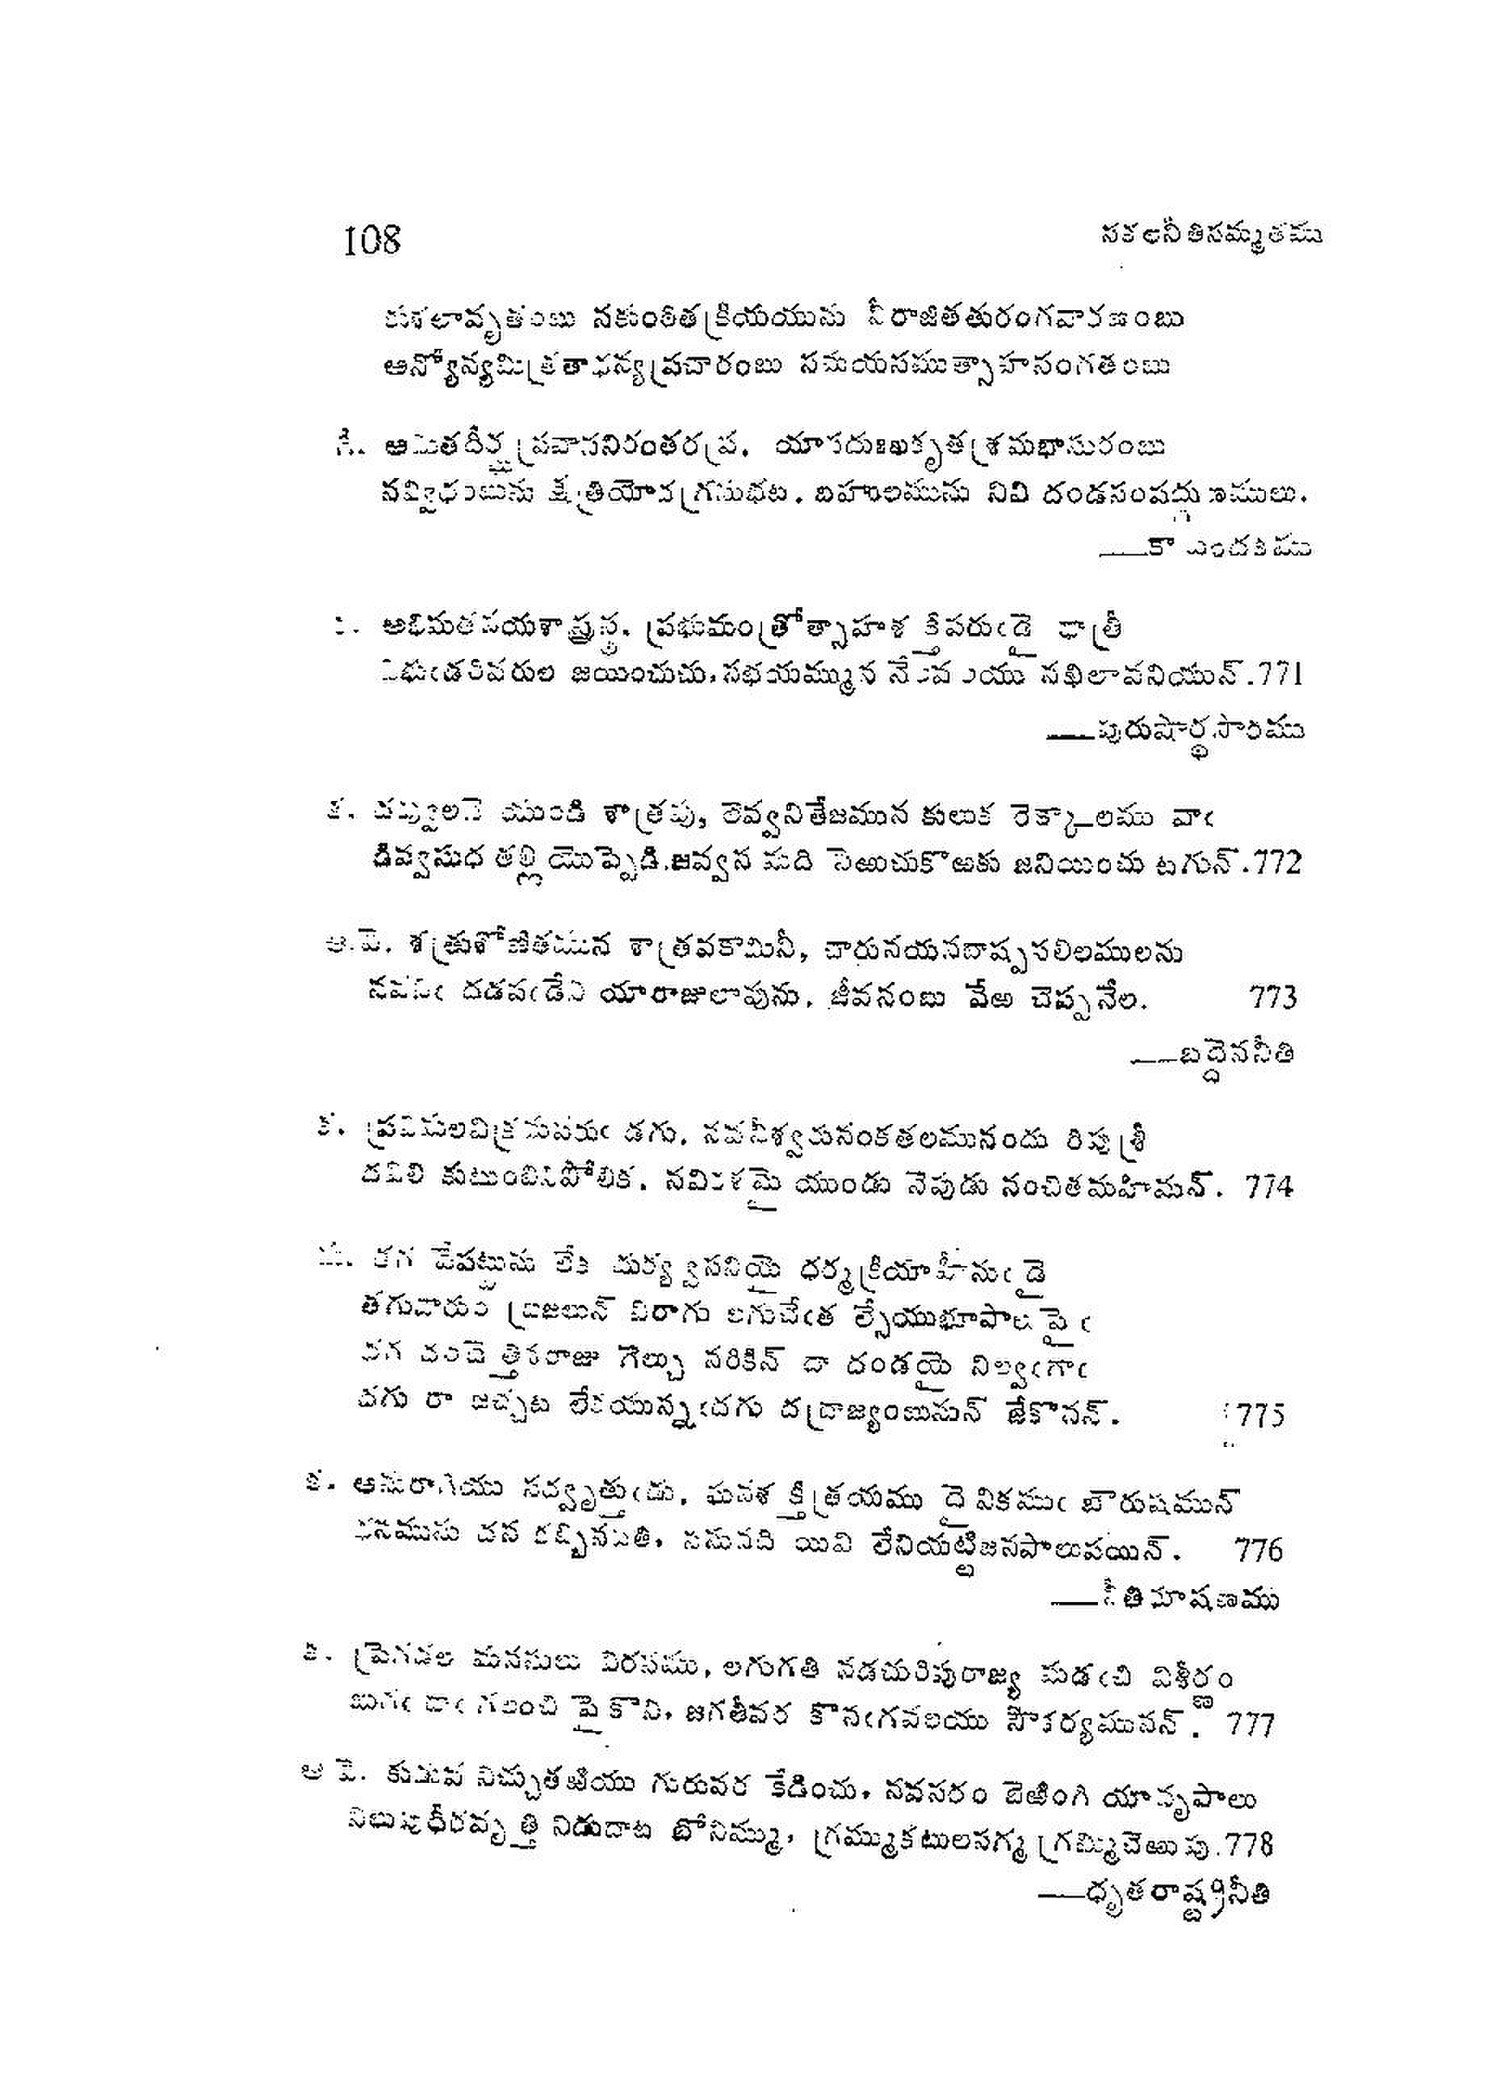కుశలావృతంబు నకుంఠితక్రియయును
నీరాజితతురంగవారణంబు
అన్యోన్యమిత్రతాధన్యప్రచారంబు
సమయసముత్సాహసంగతంబు
గీ. అమితదీర్ఘప్రవాసనిరంతరప్ర
యాసదుఃఖకృతశ్రమభాసురంబు
నవ్విధంబును క్షత్రియోదగ్రసుభట
బహులమును నివి దండసంపద్గుణములు. 770

క. అభిమతనయశాస్త్రస్థ
ప్రభుమంత్రోత్సాహశక్తిపరుఁడై ధాత్రీ
విభుఁ డరివరుల జయించుచు
నభయమ్మున నేలవలయు నఖిలావనియున్. 771

క. దవ్వులనె యుండి శాత్రవు
లెవ్వనితేజమున కులుక రెక్కాలము వాఁ
డివ్వసుధ తల్లి యొప్పెడి
జవ్వన మది సెఱుచుకొఱకు జనియించు టగున్. 772

ఆ. శత్రుశోణితమున శాత్రవకామినీ
చారునయనబాష్పసలిలములను
నవనిఁ దడపఁడేని యారాజులావును
జీవనంబు వేఱ చెప్పనేల. 773

క. ప్రవిమలవిక్రమపరుఁ డగు
నవనీశ్వరు నంకతలమునందు రిపు శ్రీ
దవిలి కుటుంబిని పోలిక
నవిరళమై యుంటు నెపుడు నంచిత మహిమన్. 774

మ. తగ వేపట్టును లేక దుర్వ్యసనియై ధర్మక్రియాహీనుఁడై
తగువారుం బ్రజలున్ విరాగు లగుచేఁత ల్సేయు భూపాలుపైఁ
దగ దండెత్తిన రాజు గెల్చు నరికిన్ దా దండయై నిల్వఁగాఁ
దగు రా జచ్చట లేక యున్నఁదగు దద్రాజ్యంబునున్ జేకొనన్. 775

క. అనురాగము సద్వృత్తుఁడు
ఘనశక్తిత్రయము దైవికముఁ బౌరుషమున్
ధనమును దన కబ్బిన పతి
ననునది యివి లేని యట్టి జనపాలుపయిన్. 776

క. ప్రెగడల మనసులు విరసము
లగుగతి నడచురిపురాజ్య మడఁచి విశీర్ణం
బుగఁ దాఁ గలంచి పైకొని
జగతీవర కొనఁగవలయు సౌకర్యమునన్. 777

ఆ. కుడువ నిచ్చుతరియు గురువర కేడించు
నవసరం బెఱింగి యానృపాలు
నిలుపుధీరవృత్తి నిడుదాట బోనిమ్ము
గ్రమ్ముకటులసగ్మ గ్రమ్మిచెఱుపు. 778